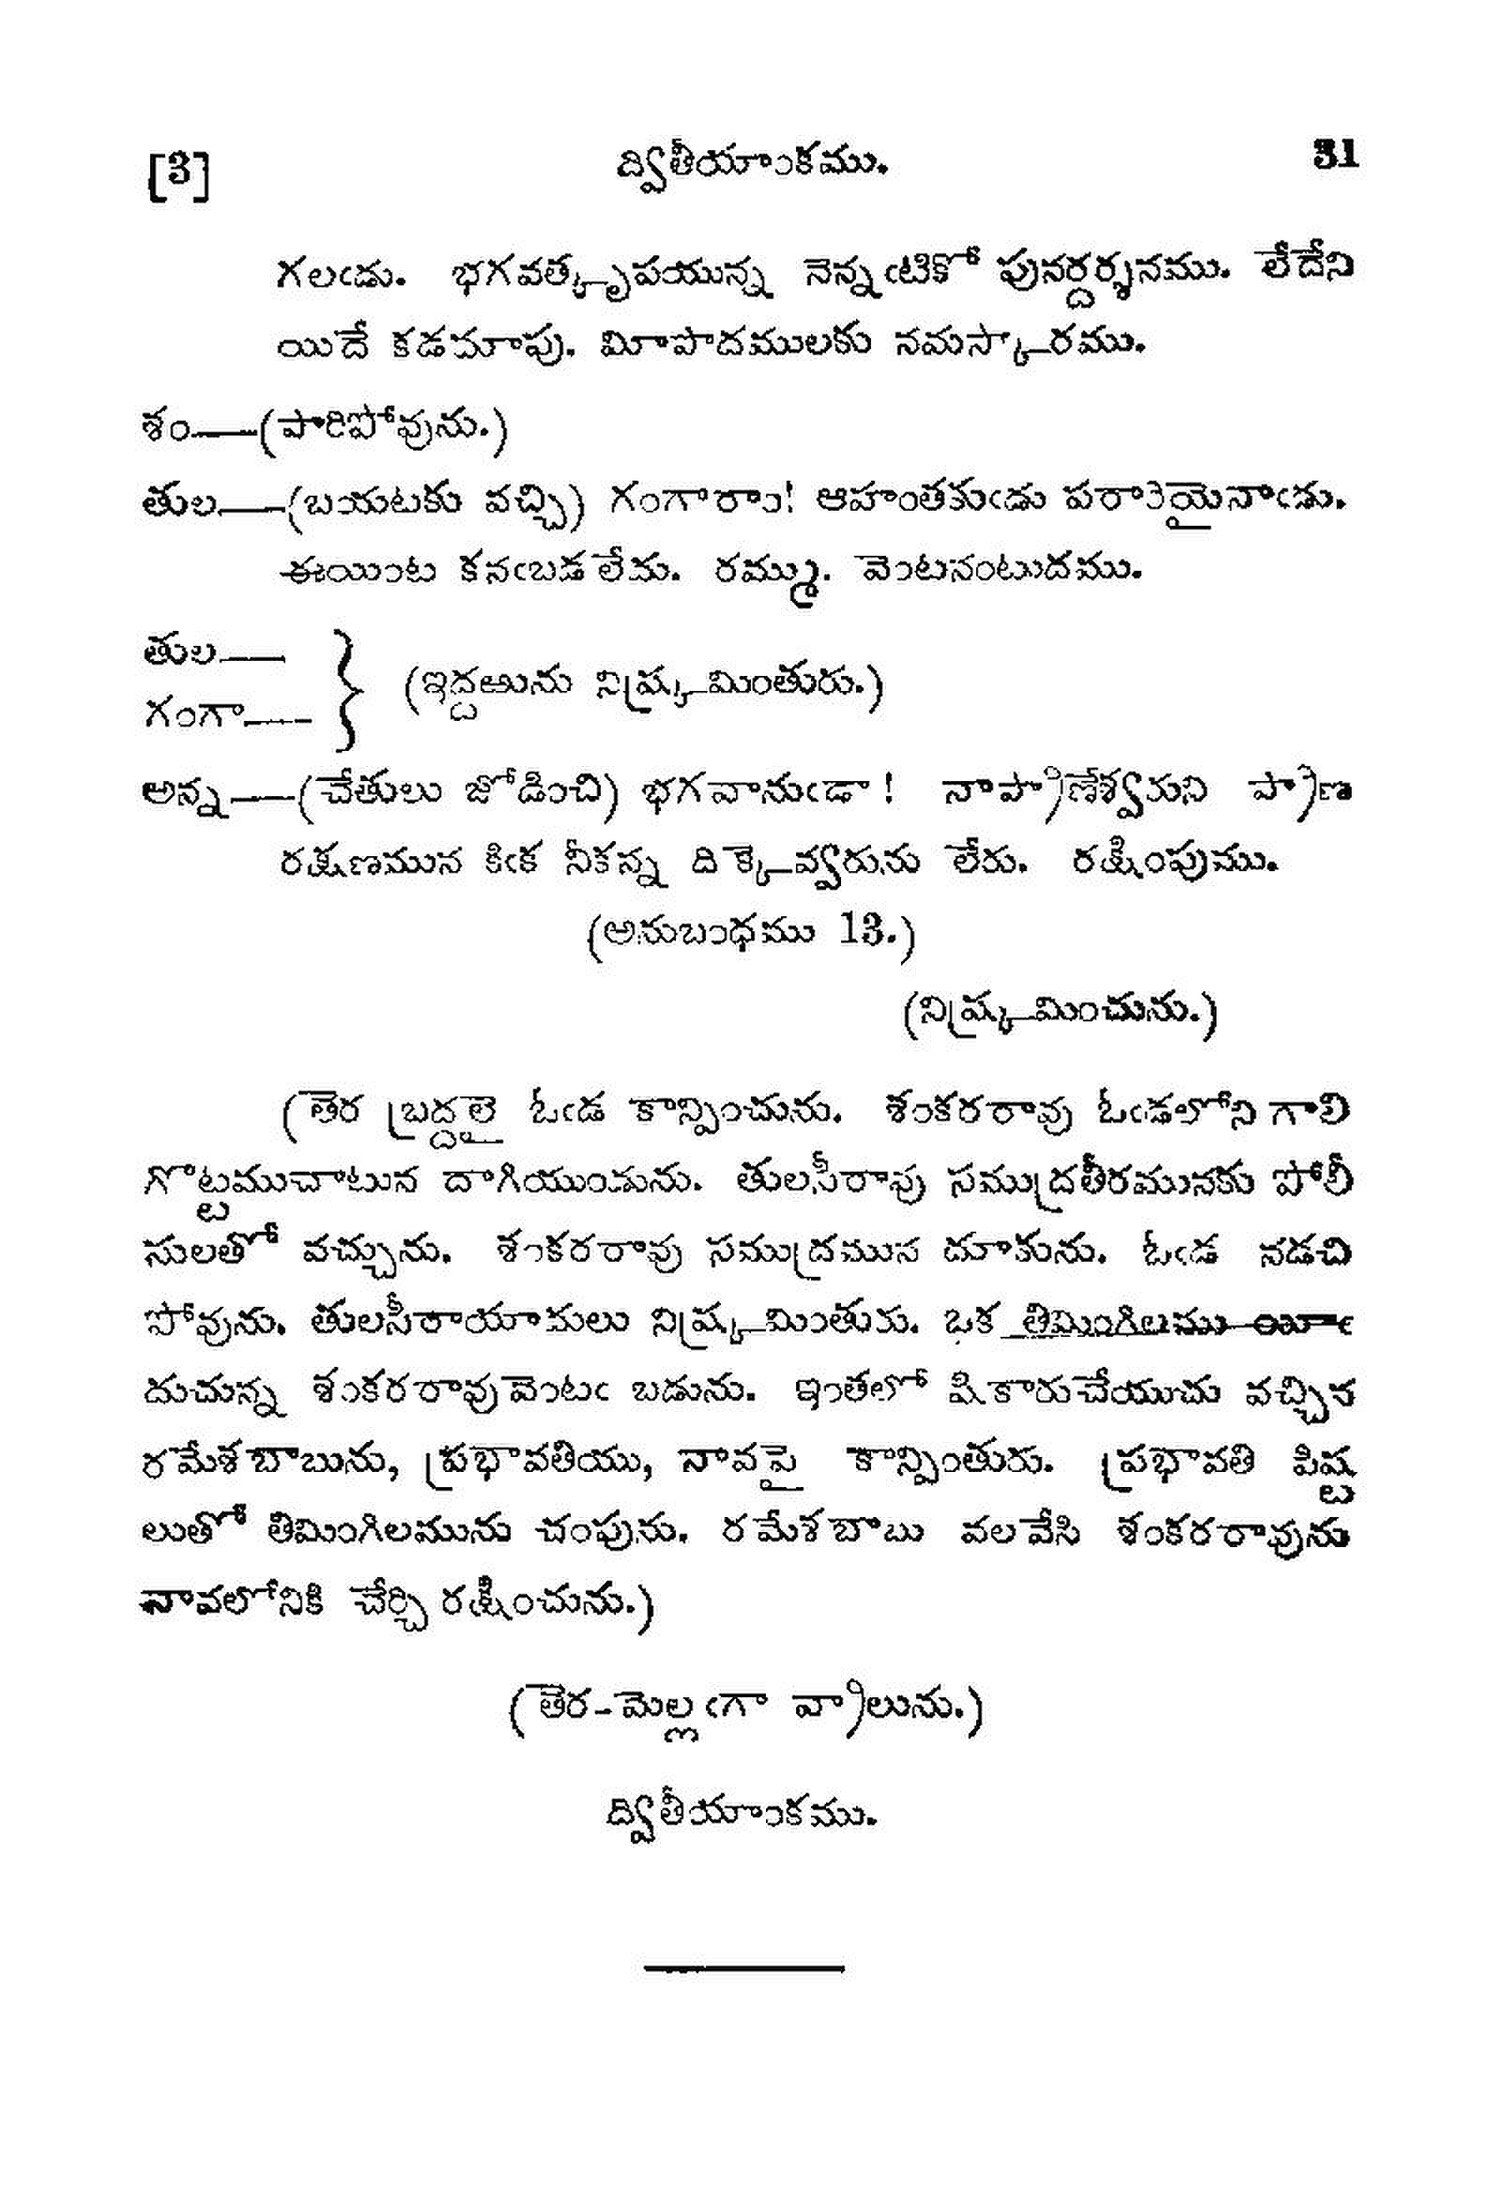గలఁడు. భగవత్కృపయున్న నెన్నఁటికో పునర్దర్శనము. లేదేని యిదే కడచూపు. మీపాదములకు నమస్కారము.

శం - (పారిపోవును.)

తుల - (బయటకు వచ్చి) గంగారాం! ఆహంతకుఁడు పరారియైనాడు. ఈయింట కనఁబడలేదు. రమ్ము. వెంటనంటుదము.

తుల - గంగా - (ఇద్దఱును నిష్క్రమింతురు.)

అన్న - (చేతులు జోడించి) భగవానుఁడా ! నాప్రాణేశ్వరుని ప్రాణ రక్షణమున కిఁక నీకన్న దిక్కెవ్వరును లేరు. రక్షింపుము.

(తెర బ్రద్దలై ఓఁడ కాన్పించును. శంకరరావు ఓఁడలోని గాలిగొట్టముచాటున దాగియుండును. తులసీరావు సముద్రతీరమునకు పోలీసులతో వచ్చును. శంకరరావు సముద్రమున దూకును. ఓఁడ నడచి పోవును. తులసీరాయాదులు నిష్క్రమింతురు. ఒక తిమింగలము యీఁదుచున్న శంకరరావువెంటఁ బడును. ఇంతలో షికారుచేయుచు వచ్చిన రమేశబాబును, ప్రభావతియు, నావపై కాన్పింతురు. ప్రభావతి పిష్టలుతో తిమింగిలమును చంపును. రమేశబాబు వలవేసి శంకరరావును
నావలోనికి చేర్చి రక్షించును.)

___________